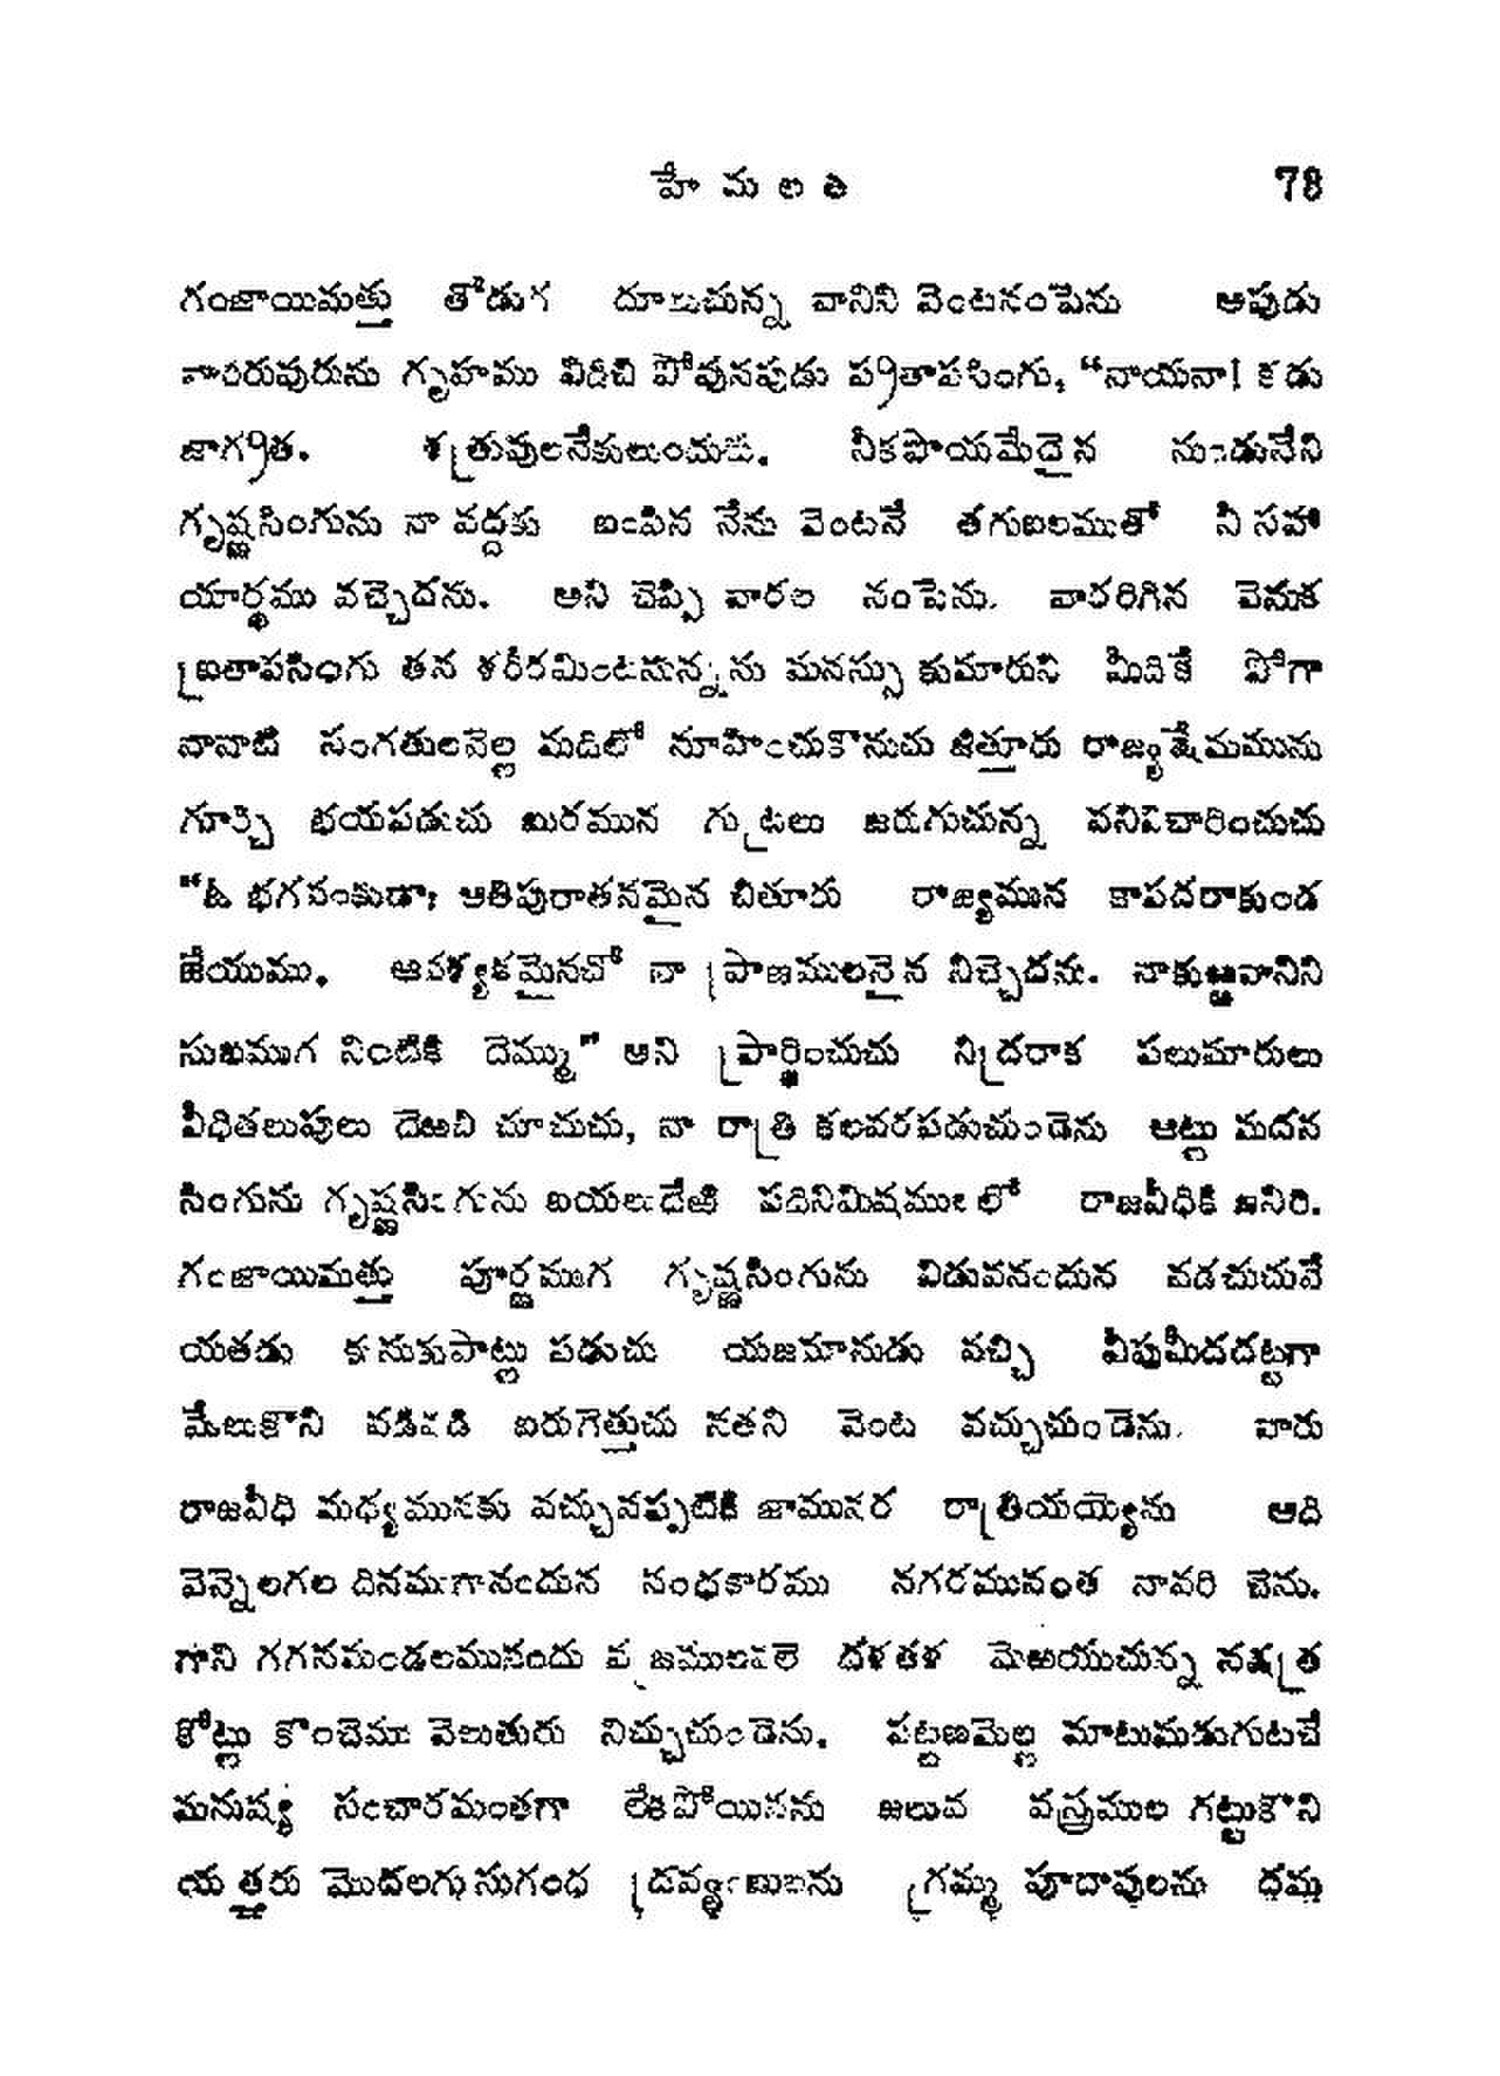గంజాయిమత్తు తోడుగ దూగుచున్న వానికి వెంటనంపను. అపుడు వారిరువురును గృహము విడిచిపోవునపుడు ప్రతాపసింగు, “నాయనా! కడు జాగ్రత. శత్రువులనేకులుందురు. నీకపాయమేదైన నుండునేని గృష్ణసింగును నావద్దకు బంపిన నేను వెంటనే తగుబలముతో నీసహాయార్థము వచ్చెదను. అని చెప్పి వారల నంపెను. వారరిగిన వెనుక బ్రతాపసింగు తన శరీరమింటమన్నను మనస్సు కుమారుని మీదికే పోగా నానాటి సంగతులనెల్ల మదిలో నూహించుకొనుచు జిత్తూరు రాజ్యక్షేమమును గూర్చి భయపడుచు బురమున గుట్రలు జరుగుచున్నవని విచారించుచు “ఓ భగవంతుడా, అతిపురాతనమైన చిత్తూరు రాజ్యమున కాపదరాకుండ జేయుము. ఆవశ్యకమైనచో నా ప్రాణములనైన నిచ్చెదను. నాకుఱ్ఱవానిని సుఖముగ నింటికి దెమ్ము” అని ప్రార్థించుచు నిద్రరాక పలుమారులు వీధితలుపులు దెఱచి చూచుచు, నా రాత్రి కలవరపడుచుండెను. అట్లు మదనసింగును గృష్ణసింగును బయలుదేఱి పదినిమిషములలో రాజవీధికి జనిరి. గంజాయిమత్తు పూర్ణముగ గృష్ణసింగును విడువనందున నడచుచునే యతడు కునుకుపాట్లు పడుచు యజమానుడు వచ్చి వీపు మీద దట్టగా మేలుకొని వడివడి బరుగెత్తుచు నతని వెంట వచ్చుచుండెను. వారు రాజవీధి మధ్యమునకు వచ్చునప్పటికి జామున్నర రాత్రియయ్యెను. అది వెన్నెల గల దినముగానందున నంధకారము నగరమునంత నావరించెను గాని గగనమండలము నందు వజ్రములవలె దళతళ మెఱయుచున్న నక్షత్ర కోట్లు కొంచెము వెలుతురు విచ్చుచుండెను. పట్టణమెల్ల మాటుమడుగుటచే మనుష్య సంచార మంతగా లేకపోయినను జలువ వస్త్రములు గట్టుకొని యత్తరు మొదలగు సుగంధ ద్రవ్యంబులును గ్రమ్మ పూదావులను దమ